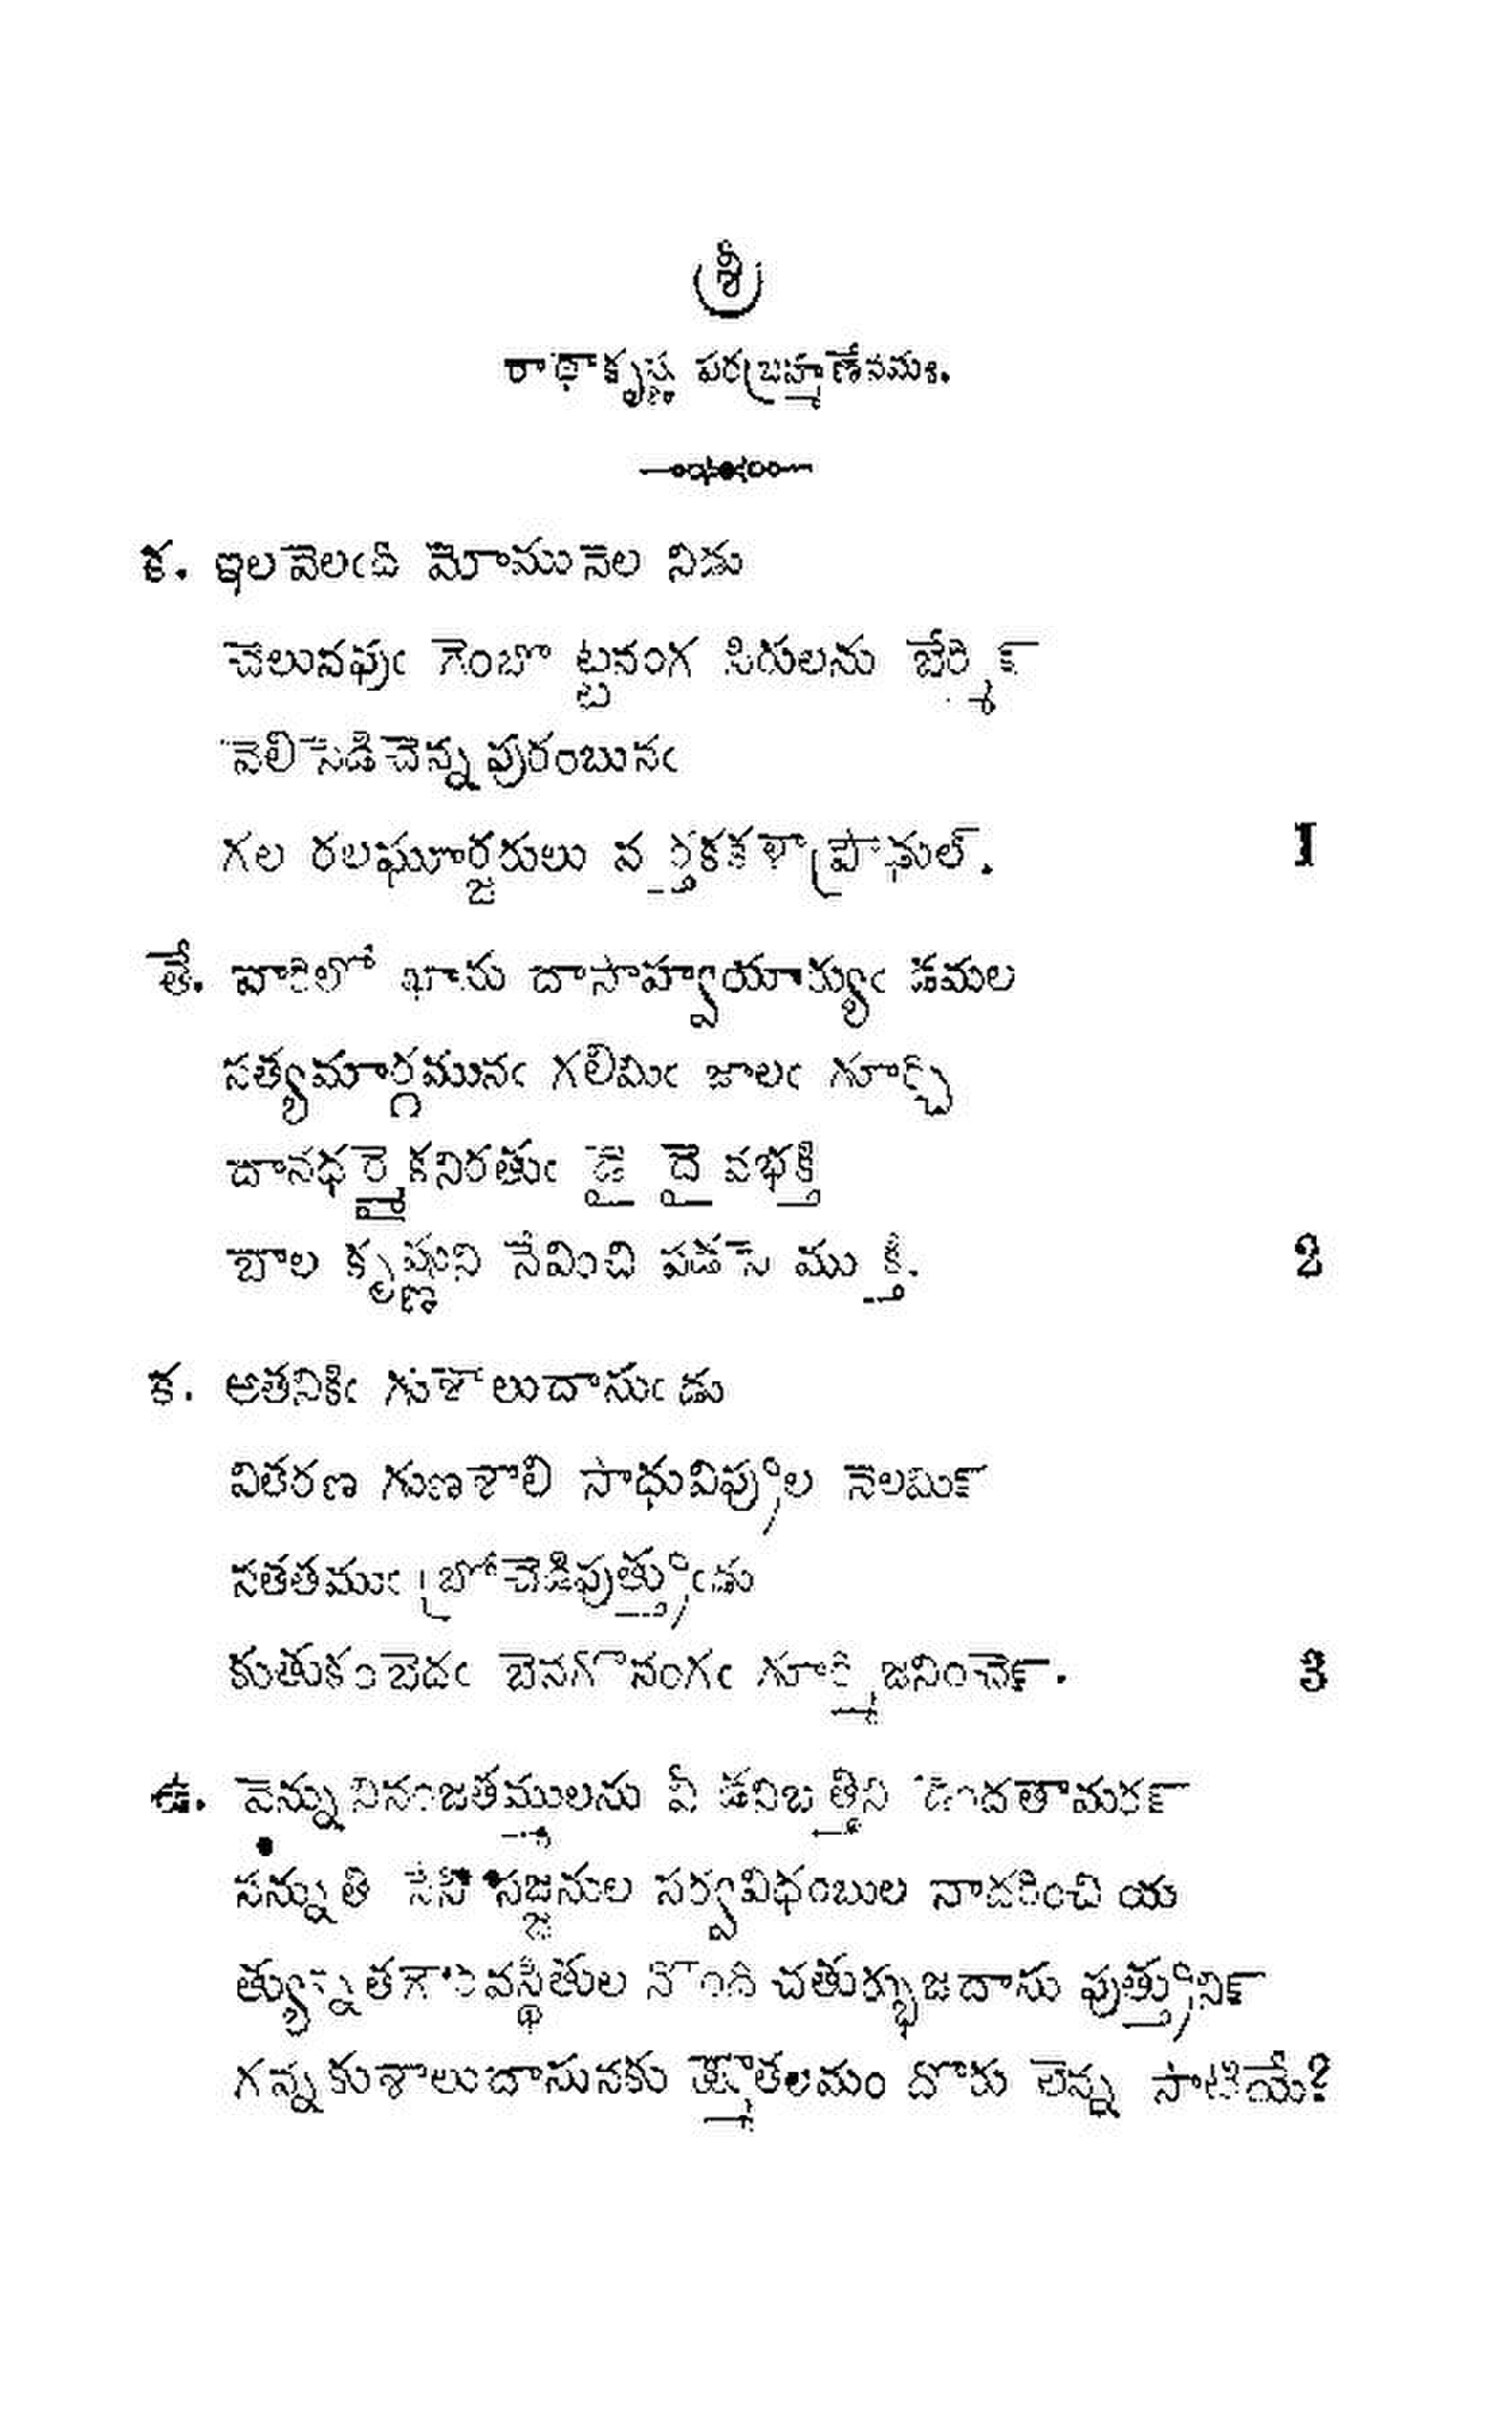శ్రీ

క. ఇలవెలఁది మోమునెల నిడు
 చెలువపుఁ గెంబొ ట్టనంగ సిరులను బేర్మిన్
 వెలిసెడిచెన్నపురంబునఁ
 గల రలఘూర్జరులు వర్తకకళా ప్రౌఢుల్ . 

తే. వారిలో ఖాను దాసాహ్వయార్యుఁ డమల
 సత్యమార్గమునఁ గలిమిఁ జాలఁ గూర్చి
 దానధర్మైకనిరతుఁ డై దైవభక్తి
 బాల కృష్ణుని సేవించి పడసె ముక్తి. 

క. అతనికిఁ గుశాలుదాసుఁడు
 వితరణ గుణశాలి సాధువిప్రుల నెలమిన్
 సతతముఁ బ్రోచెడిపుత్త్రుఁడు
 కుతుకంబెదఁ బెనగొనంగఁ గూర్మి జనించెన్. 

ఉ. వెన్నునినంజతమ్ములను వీ డనిబత్తిని డెందతామరన్
 సన్నుతి సేసి సజ్జనుల సర్వవిధంబుల నాదరించి య
 త్యున్నతగౌరవస్థితుల నొంది చతుర్భుజదాసు పుత్త్రునిన్
 గన్నకుశాలుదాసునకు క్ష్మాతలమం దొరు లెన్న సాటియే?